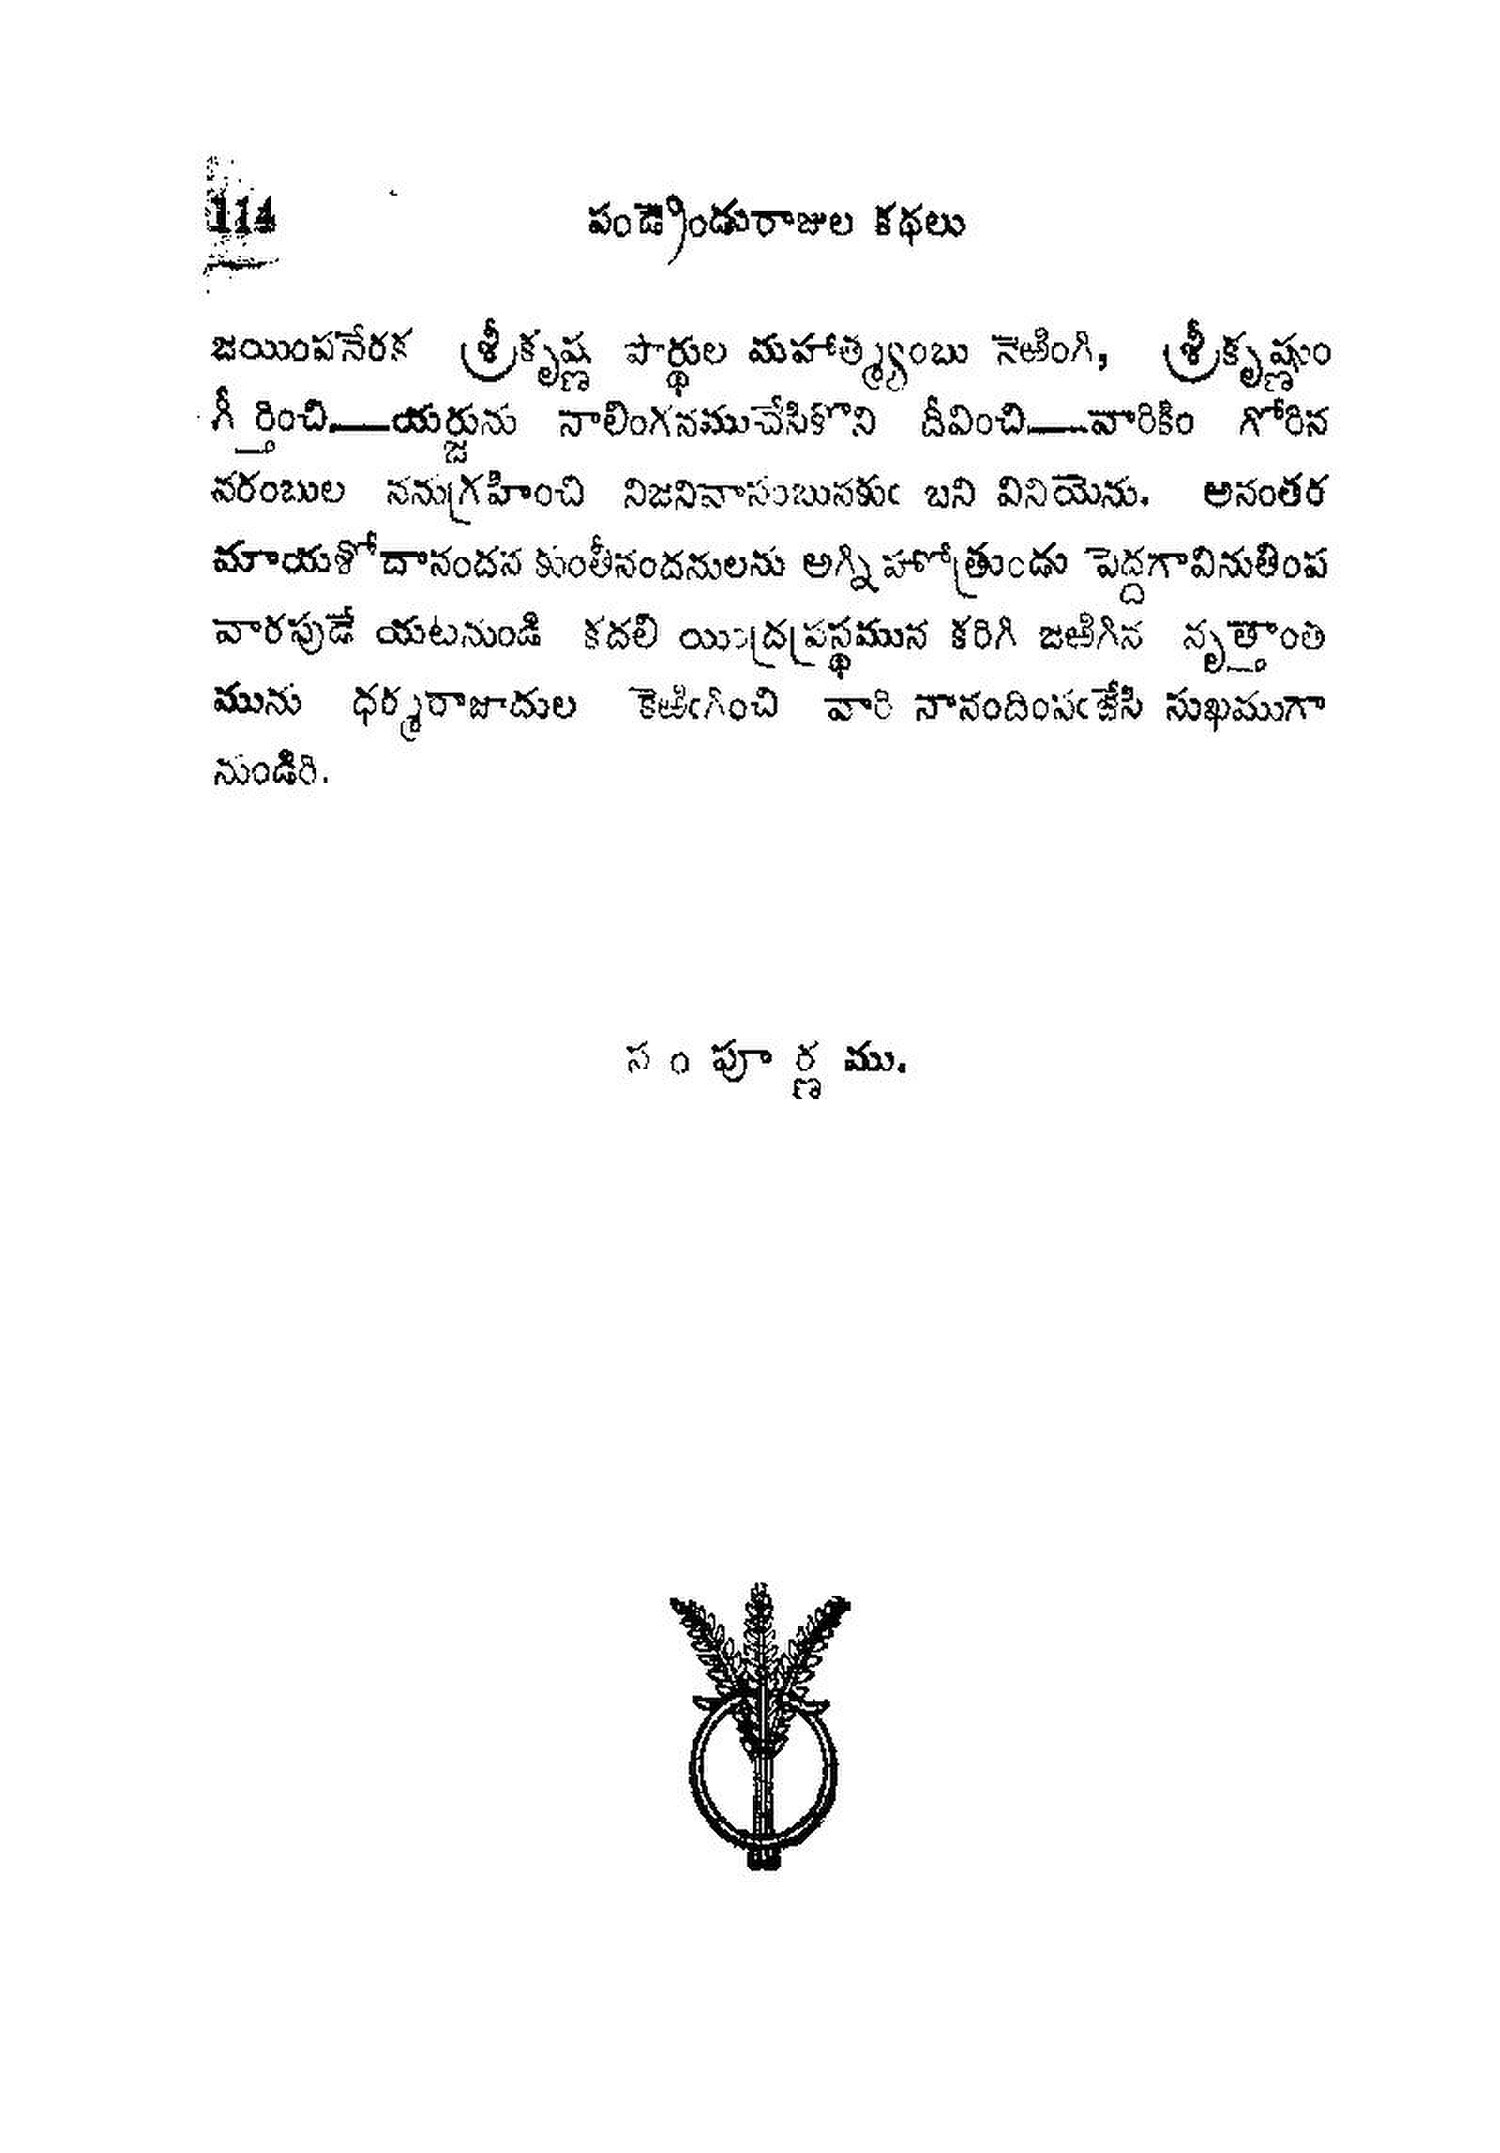జయింపనేరక శ్రీకృష్ణ పార్థుల మహాత్మ్యంబు నెఱింగి, శ్రీకృష్ణుం గీర్తించి——యర్జును నాలింగనము చేసికొని దీవించి——వారికిం గోరిన వరంబుల ననుగ్రహించి నిజనివాసుబునకుఁ బని వినియెను. అనంతర మాయశోదానందన కుంతీనందనులను అగ్నిహోత్రుండు పెద్దగా వినుతింప వారపుడే యటనుండి కదలి యింద్రప్రస్థమున కరిగి జఱిగిన వృత్తాంతమును ధర్మరాజాదుల కెఱింగించి వారి నానందింపఁజేసి సుఖముగా నుండిరి.